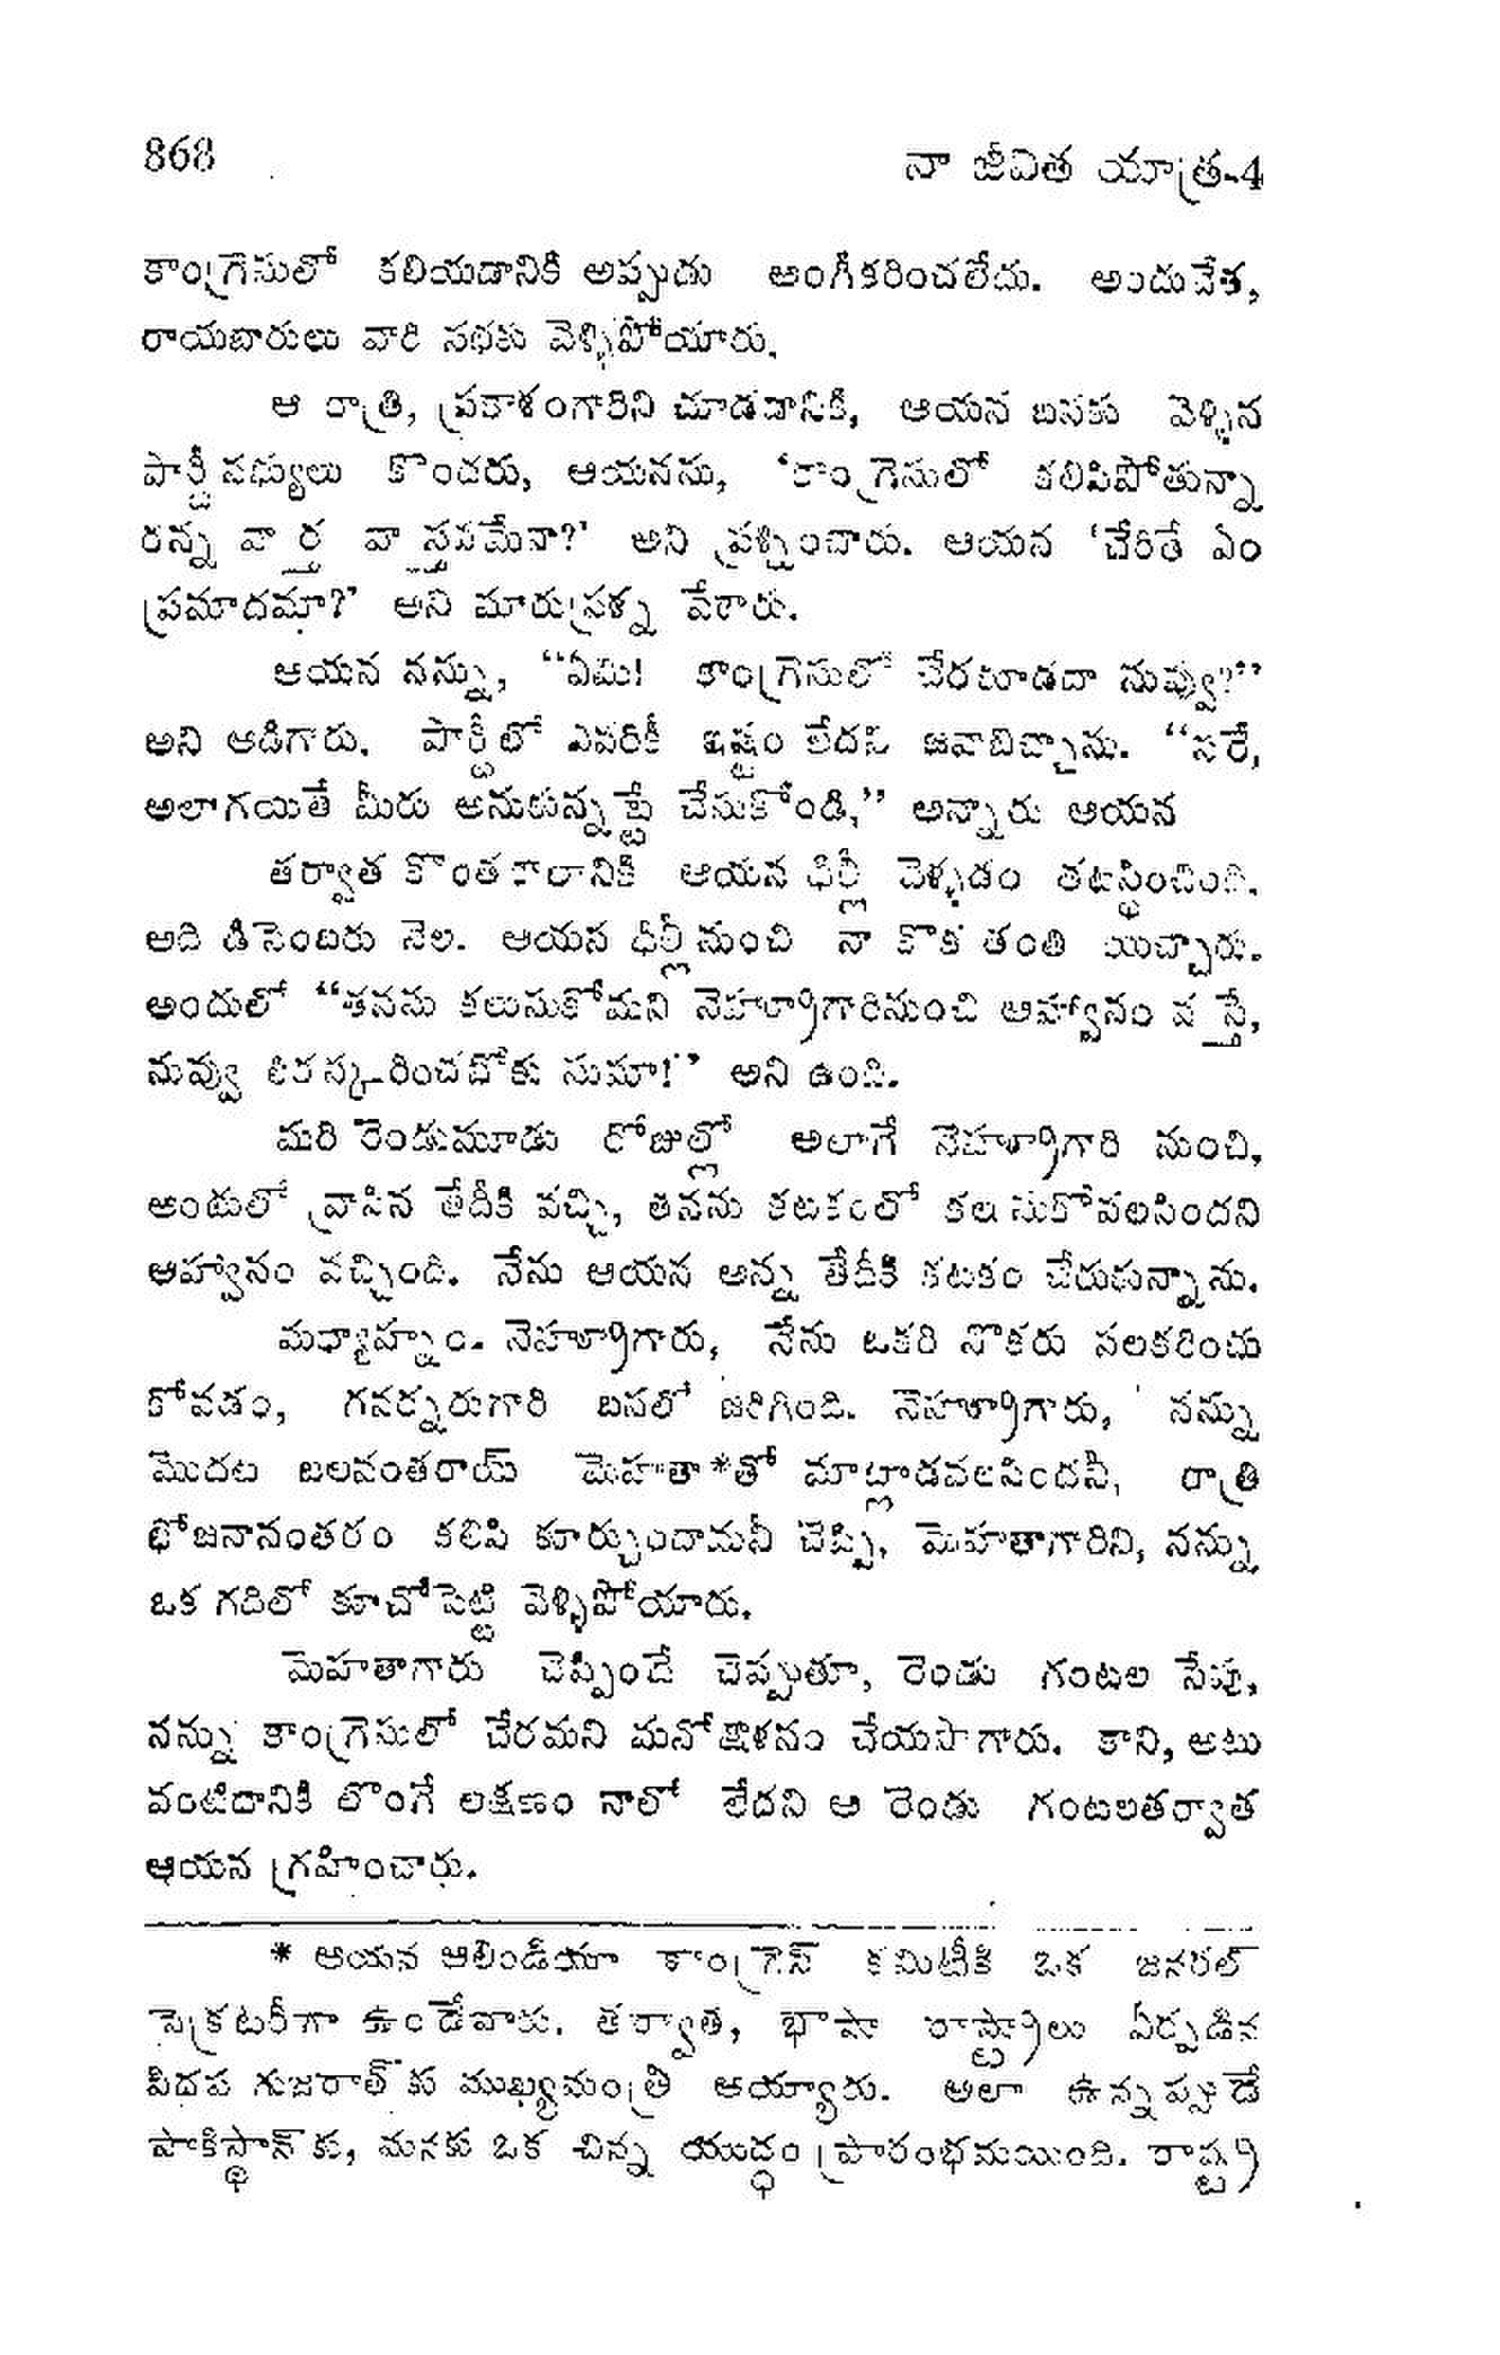కాంగ్రెసులో కలియడానికి అప్పుడు అంగీకరించలేదు. అందుచేత, రాయబారులు వారి సభకు వెళ్ళిపోయారు.

ఆ రాత్రి, ప్రకాశంగారిని చూడడానికి, ఆయన బసకు వెళ్ళిన పార్టీ సభ్యులు కొందరు, ఆయనను, 'కాంగ్రెసులో కలిసిపోతున్నారన్న వార్త వాస్తవమేనా?' అని ప్రశ్నించారు. ఆయన 'చేరితే ఏం ప్రమాదమా?' అని మారుప్రశ్న వేశారు.

ఆయన నన్ను, "ఏమి! కాంగ్రెసులో చేరకూడదా నువ్వు?" అని అడిగారు. పార్టీలో ఎవరికీ ఇష్టం లేదని, జవాబిచ్చాను. "సరే, అలాగయితే మీరు అనుకున్నట్టే చేసుకోండి," అన్నారు ఆయన

తర్వాత కొంతకాలానికి ఆయన ఢిల్లీ వెళ్ళడం తటస్థించింది. అది డిసెంబరు నెల. ఆయన ఢిల్లీనుంచి నా కొక తంతి యిచ్చారు. అందులో "తనను కలుసుకోమని నెహ్రూగారినుంచి ఆహ్వానం వస్తే, నువ్వు తిరస్కరించబోకు సుమా!" అని ఉంది.

మరి రెండుమూడు రోజుల్లో అలాగే నెహ్రూగారి నుంచి, అందులో వ్రాసిన తేదీకి వచ్చి, తనను కటకంలో కలుసుకోవలసిందని ఆహ్వానం వచ్చింది. నేను ఆయన అన్న తేదీకి కటకం చేరుకున్నాను.

మధ్యాహ్నం - నెహ్రూగారు, నేను ఒకరి నొకరు పలకరించుకోవడం , గవర్నరుగారి బసలో జరిగింది. నెహ్రూగారు, నన్ను మొదట బలవంతరాయ్ మెహతా తో మాట్లాడవలసిందనీ, రాత్రి భోజనానంతరం కలిసి కూర్చుందామనీ చెప్పి, మెహతాగారిని, నన్ను ఒక గదిలో కూచోపెట్టి వెళ్ళిపోయారు.

మెహతాగారు చెప్పిందే చెప్పుతూ, రెండు గంటల సేపు, నన్ను కాంగ్రెసులో చేరమని మనోక్షాళనం చేయసాగారు. కాని, అటువంటిదానికి లొంగే లక్షణం నాలో లేదని ఆ రెండు గంటలతర్వాత ఆయన గ్రహించారు.